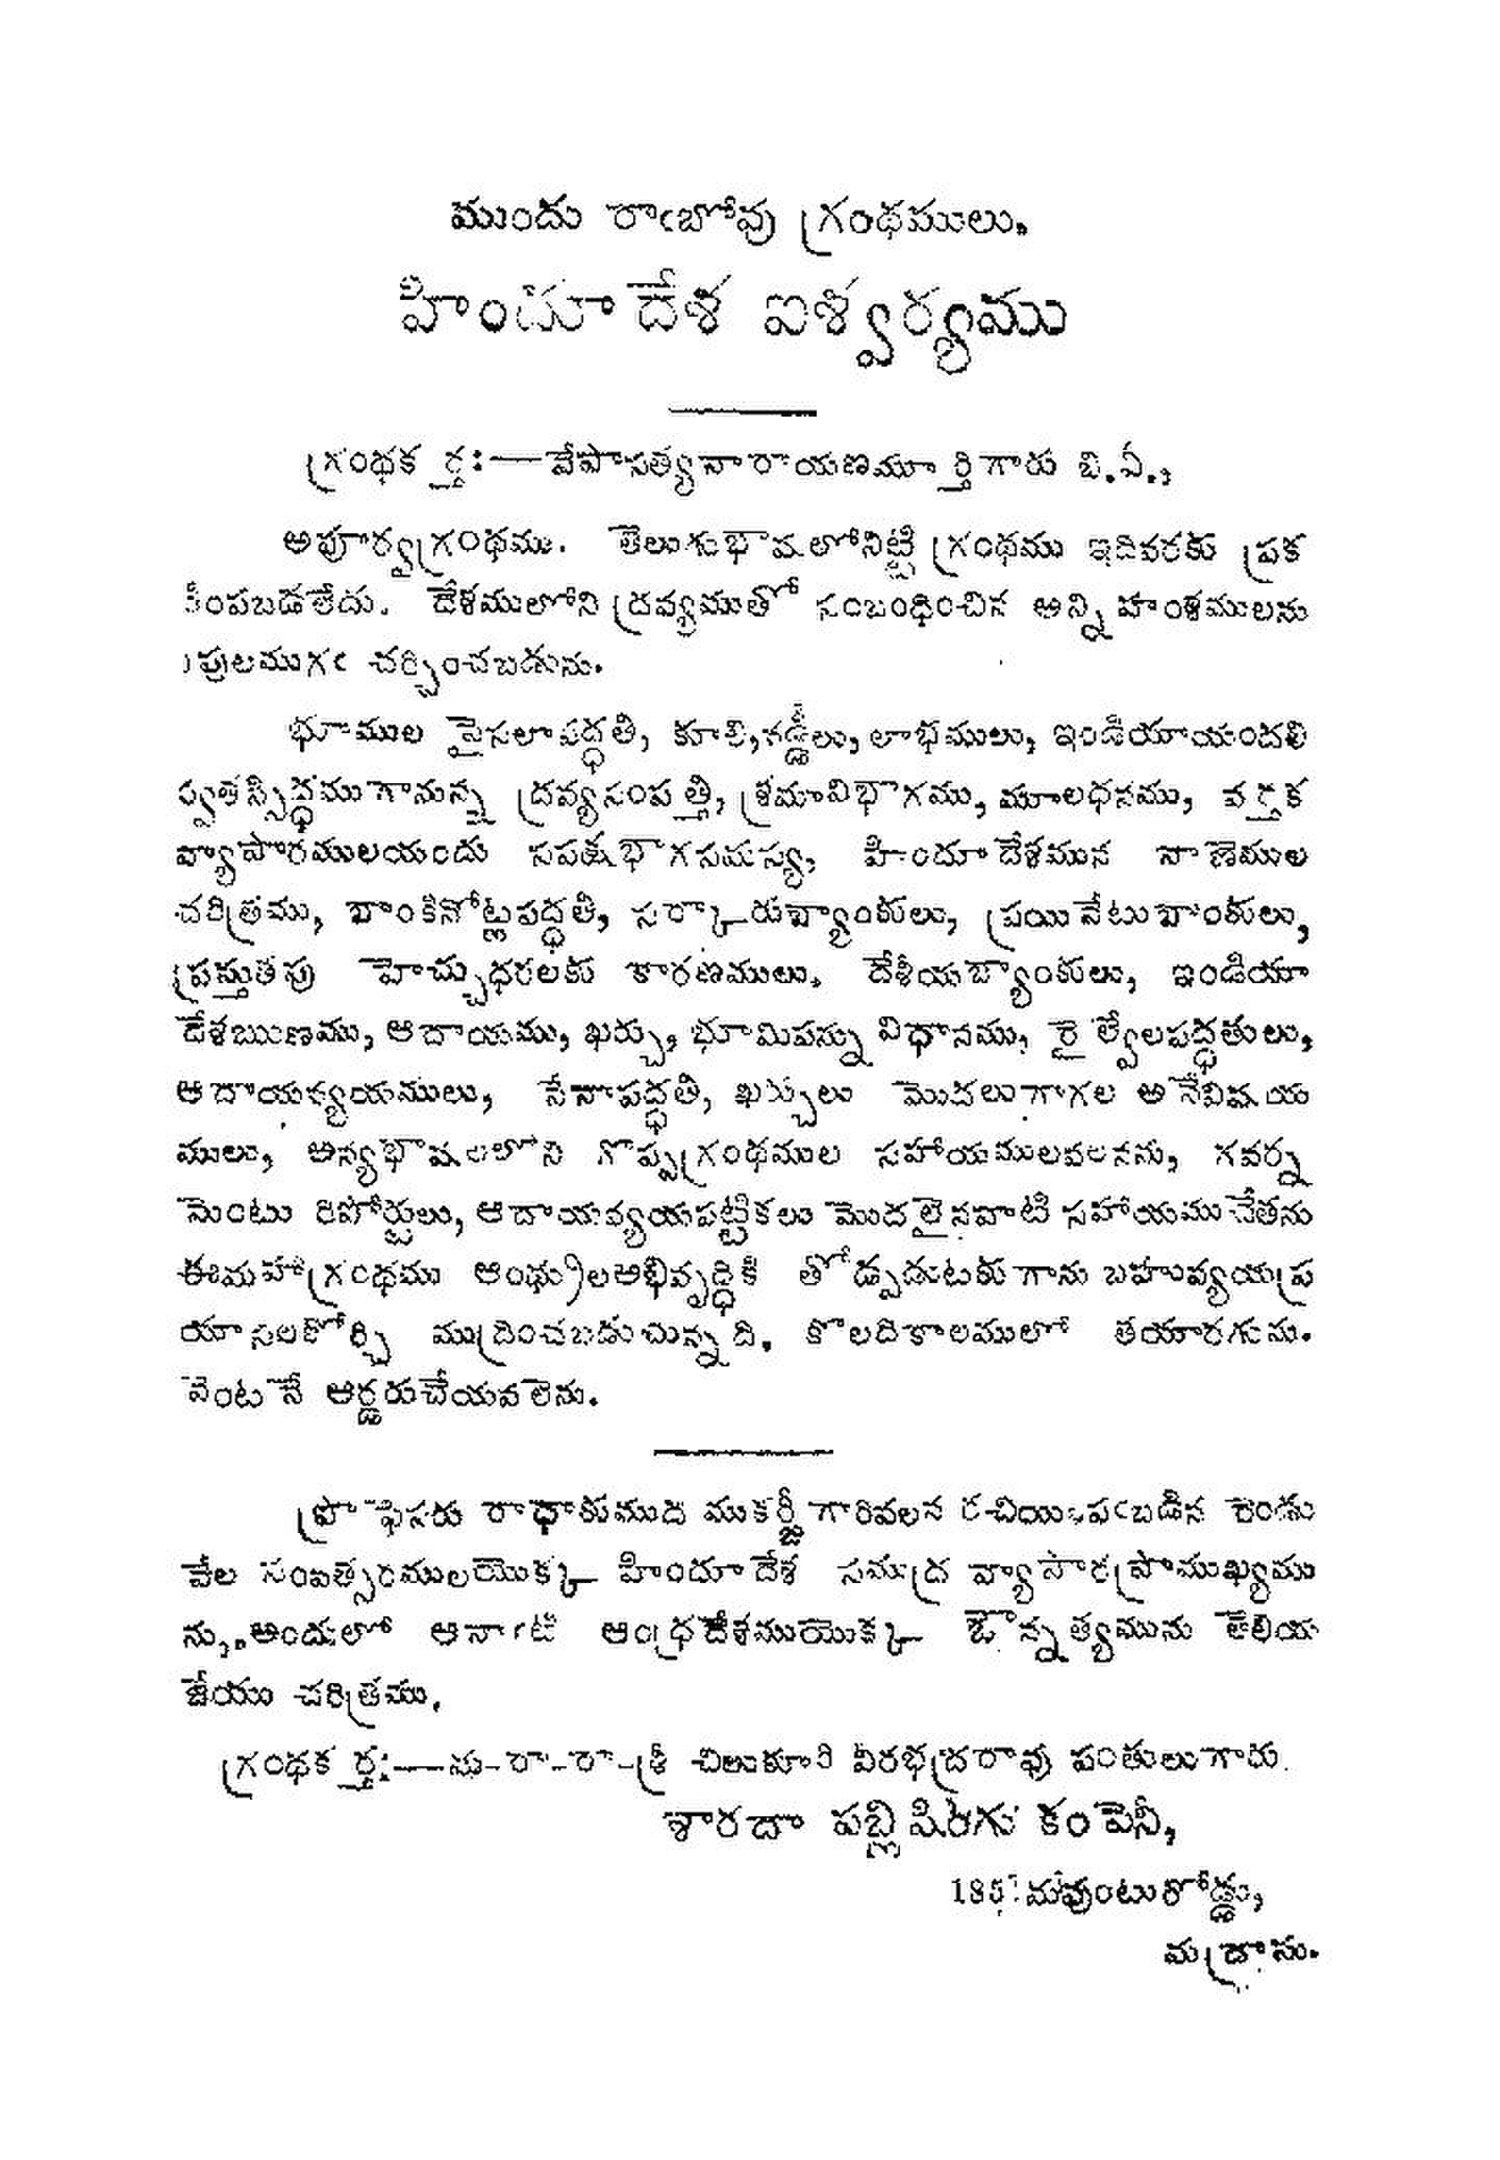ముందు రాఁబోవు గ్రంథములు. 
హిందూదేశ ఐశ్వర్యము

గ్రంథకర్త:- వేపాసత్యనారాయణమూర్తి గారు బి.ఏ.,

అపూర్వగ్రంథము. తెలుగుభాషలోనిట్టి గ్రంథము ఇదివరకు ప్రకటింపబడలేదు. దేశములోని ద్రవ్యముతో సంబంధించిన అన్ని హంశములను విపులముగఁ చర్చించబడును. 

భూముల పైసలాపద్దతి, కూలి, వడ్డీలు, లాభములు, ఇండియాయందలి స్వతస్సిద్ధముగానున్న ద్రవ్యసంపత్తి, శ్రమావిభాగము, మూలధనము, వర్తకవ్యాపారముల యందు సపక్షభాగసమస్య, హిందూదేశమున నాణెముల చరిత్రము, బాంకినోట్లపద్దతి, సర్కారుబ్యాంకులు, ప్రయివేటుబాంకులు, ప్రస్తుతపు హెచ్చుధరలకు కారణములు, దేశీయబ్యాంకులు, ఇండియా దేశఋణము , ఆదాయము, ఖర్చు, భూమిపన్ను విధానము, రైల్వేల పద్దతులు, ఆదాయవ్యయములు, సేనాపద్దతి, ఖర్చులు మొదలుగాగల అనేకవిషయములు, అన్యభాషలలోని గొప్పగ్రంథముల సహాయములవలనను, గవర్నమెంటు రిపోర్టులు, ఆదాయవ్యయపట్టికలు మొదలైనవాటి సహాయము చేతను ఈమహాగ్రంథము ఆంధ్రుల అభివృద్ధికి తోడ్పడుటకు గాను బహువ్యయప్రయాసలకోర్చి ముద్రించబడు చున్నది, కొలదికాలములో తయారగును. వెంటనే ఆర్డరుచేయవలెను.

ప్రొఫెసరు రాధాకుముద ముకర్జీ గారివలన రచియింపఁబడిన రెండువేల సంపత్సరముల యొక్క హిందూదేశ సముద్ర వ్యాపార ప్రాముఖ్యమును, అందులో ఆనాటి ఆంధ్రదేశము యొక్క ఔన్నత్యమును తెలియజేయు చరిత్రము, 

గ్రంథకర్త:- మ-రా-రా- శ్రీ చిలుకూరి వీరభద్రరావు పంతులుగారు.

శారదా పబ్లిషింగు కంపెనీ,

185 మవుంటురోడ్డు ,

మద్రాసు.